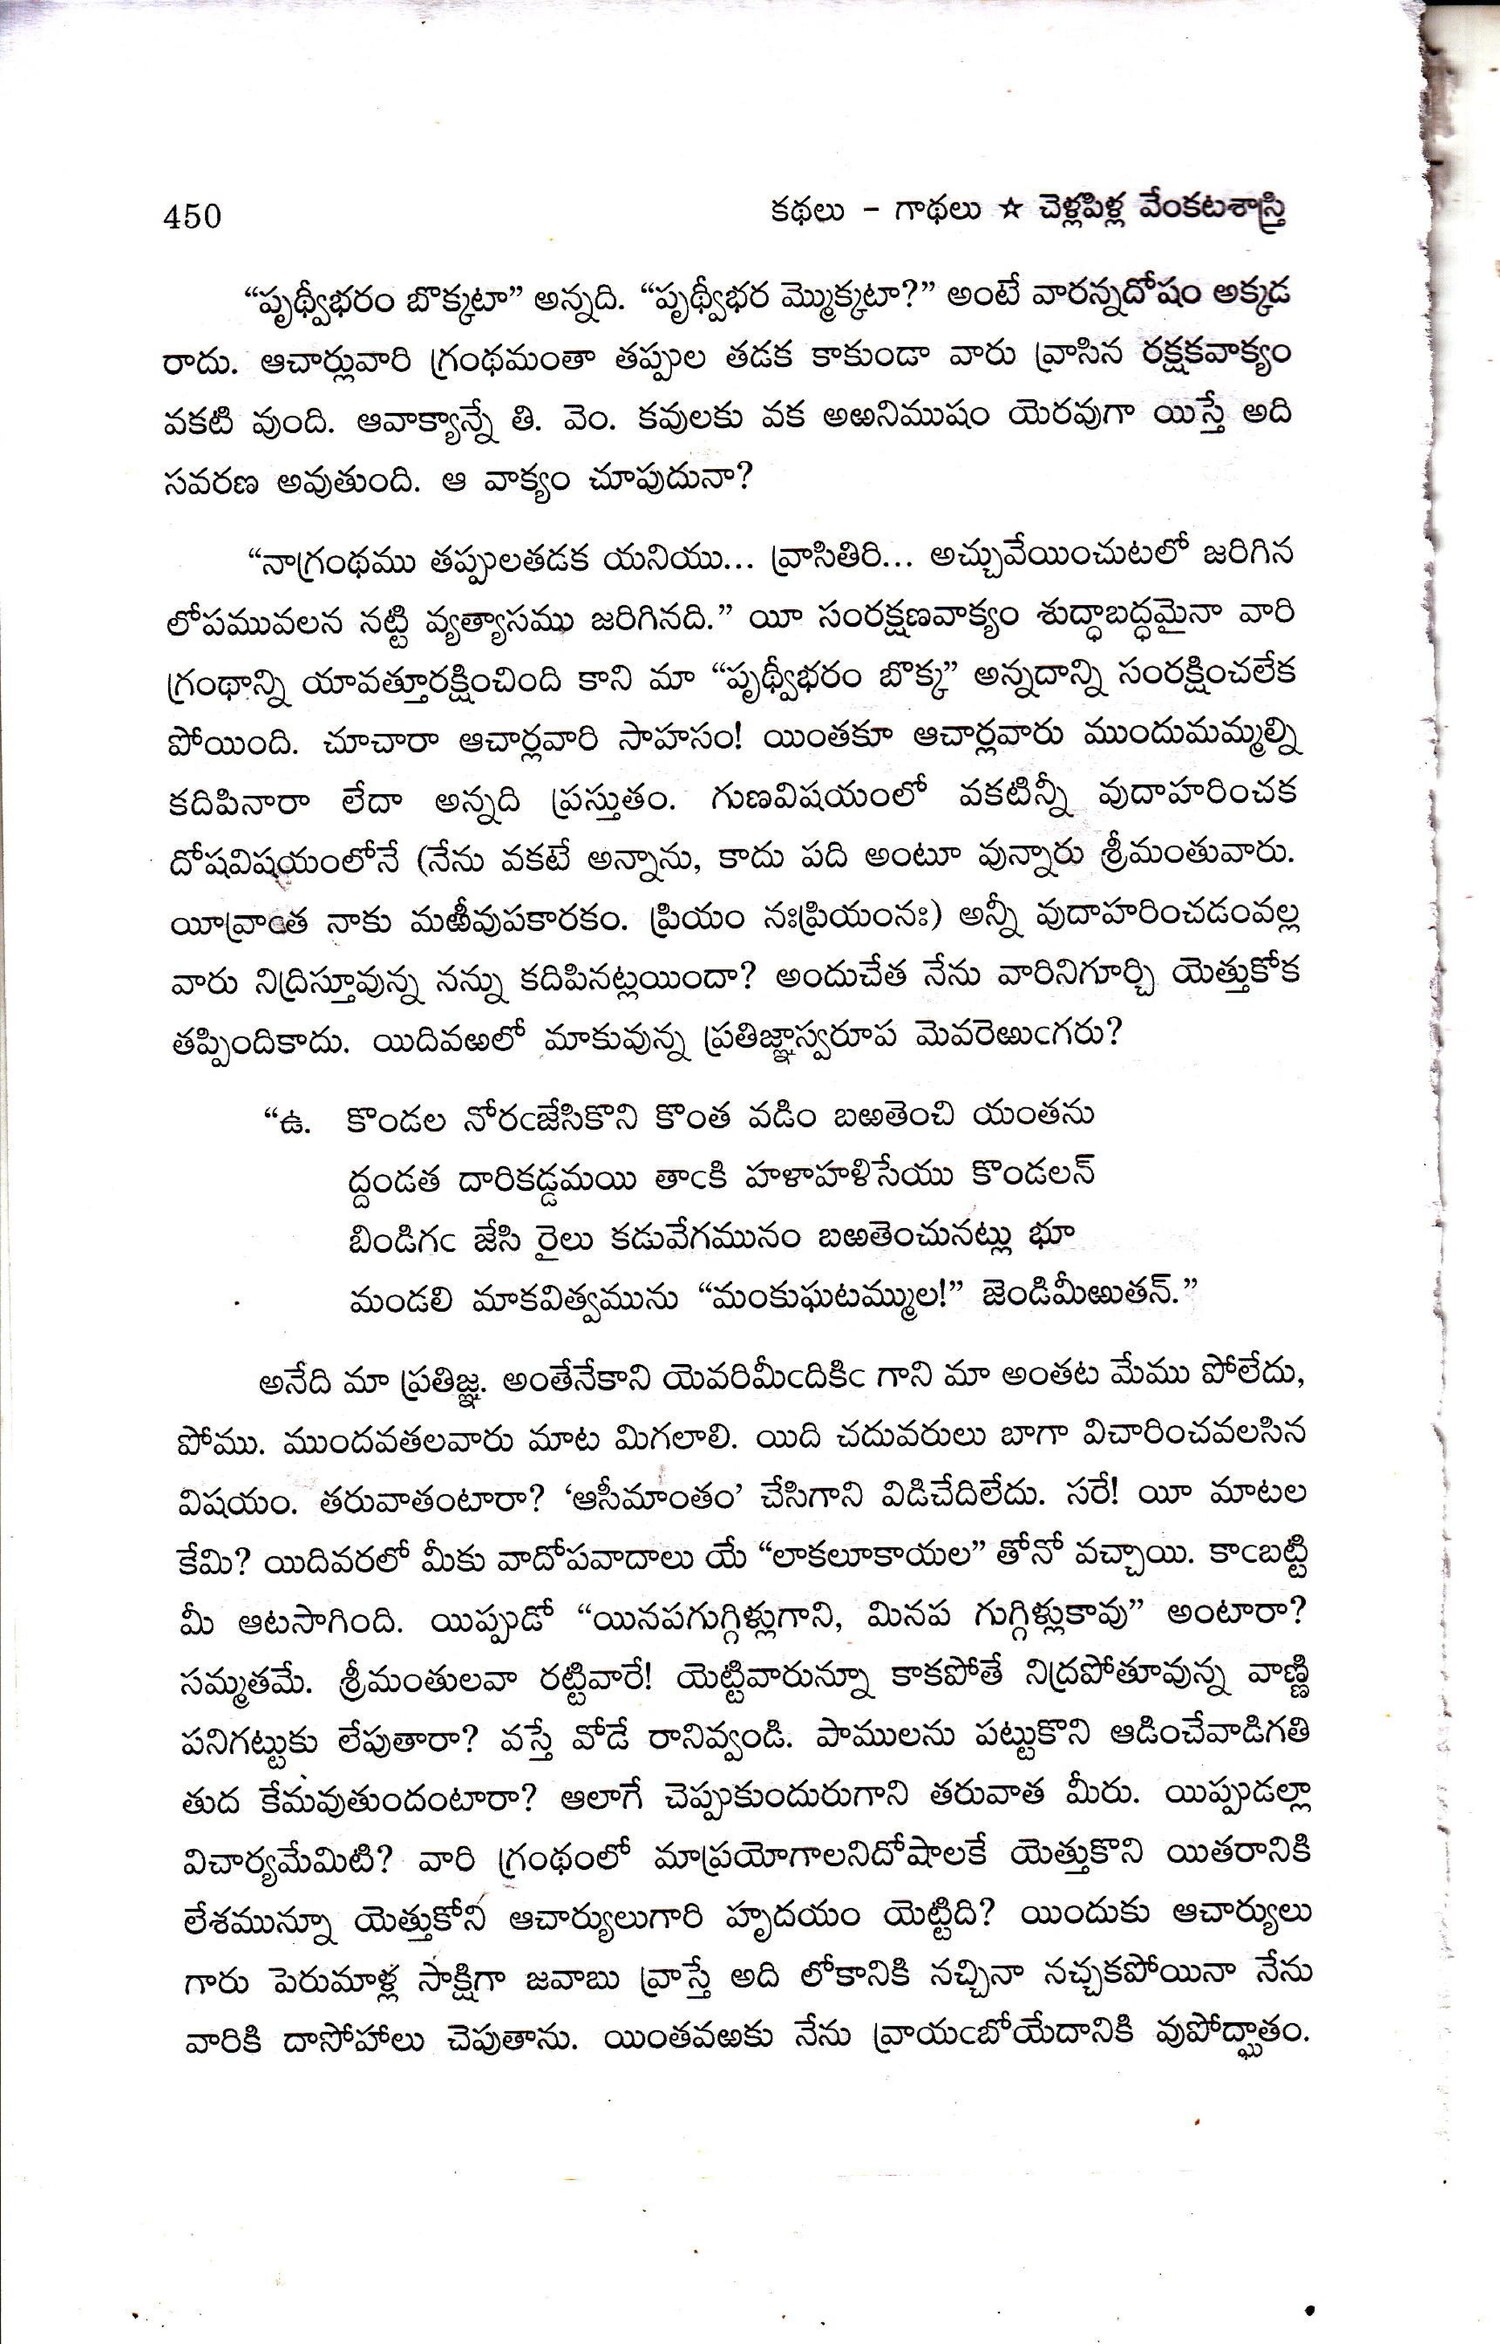“పృథ్వీభరం బొక్కటా" అన్నది. “పృథ్వీభర మ్మొక్కటా?" అంటే వారన్నదోషం అక్కడ రాదు. ఆచార్లువారి గ్రంథమంతా తప్పుల తడక కాకుండా వారు వ్రాసిన రక్షకవాక్యం వకటి వుంది. ఆవాక్యాన్నే తి. వెం. కవులకు వక అఱనిముషం యెరవుగా యిస్తే అది సవరణ అవుతుంది. ఆ వాక్యం చూపుదునా?

"నాగ్రంథము తప్పులతడక యనియు. వ్రాసితిరి... అచ్చువేయించుటలో జరిగిన లోపమువలన నట్టి వ్యత్యాసము జరిగినది." యీ సంరక్షణవాక్యం శుద్దాబద్ధమైనా వారి గ్రంథాన్ని యావత్తూరక్షించింది కాని మా “పృథ్వీభరం బొక్క" అన్నదాన్ని సంరక్షించలేక పోయింది. చూచారా ఆచార్లవారి సాహసం! యింతకూ ఆచార్లవారు ముందుమమ్మల్ని కదిపినారా లేదా అన్నది ప్రస్తుతం. గుణవిషయంలో వకటిన్నీ వుదాహరించక దోషవిషయంలోనే (నేను వకటే అన్నాను, కాదు పది అంటూ వున్నారు శ్రీమంతువారు. . యీవ్రాఁత నాకు మఱీవుపకారకం. ప్రియం నఃప్రియంనః) అన్నీ వుదాహరించడంవల్ల వారు నిద్రిస్తూవున్న నన్ను కదిపినట్లయిందా? అందుచేత నేను వారినిగూర్చి యెత్తుకోక తప్పిందికాదు. యిదివఱలో మాకువున్న ప్రతిజ్ఞాస్వరూప మెవరెఱుఁగరు?

“ఉ. కొండల నోరఁజేసికొని కొంత వడిం బఱతెంచి యంతను 
 ద్దండత దారికడ్డమయి తాఁకి హళాహళిసేయు కొండలన్
 బిండిగఁ జేసి రైలు కడువేగమునం బఱతెంచునట్లు భూ
 మండలి మాకవిత్వమును "మంకుఘటమ్ముల!" జెండిమీఱుతన్." 
అనేది మా ప్రతిజ్ఞ. అంతేనేకాని యెవరిమీఁదికిఁ గాని మా అంతట మేము పోలేదు, పోము. ముందవతలవారు మాట మిగలాలి. యిది చదువరులు బాగా విచారించవలసిన విషయం. తరువాతంటారా? 'ఆసీమాంతం' చేసిగాని విడిచేదిలేదు. సరే! యీ మాటల కేమి? యిదివరలో మీకు వాదోపవాదాలు యే "లాకలూకాయల" తోనో వచ్చాయి. కాఁబట్టి మీ ఆటసాగింది. యిప్పుడో “యినపగుగ్గిళ్లుగాని, మినప గుగ్గిళ్లుకావు" అంటారా? సమ్మతమే. శ్రీమంతులవా రట్టివారే! యెట్టివారున్నూ కాకపోతే నిద్రపోతూవున్న వాణ్ణి . పనిగట్టుకు లేపుతారా? వస్తే వోడే రానివ్వండి. పాములను పట్టుకొని ఆడించేవాడిగతి - తుద కేమవుతుందంటారా? ఆలాగే చెప్పుకుందురుగాని తరువాత మీరు. యిప్పుడల్లా విచార్యమేమిటి? వారి గ్రంథంలో మాప్రయోగాలనిదోషాలకే యెత్తుకొని యితరానికి లేశమున్నూ యెత్తుకోని ఆచార్యలుగారి హృదయం యెట్టిది? యిందుకు ఆచార్యలు గారు పెరుమాళ్ల సాక్షిగా జవాబు వ్రాస్తే అది లోకానికి నచ్చినా నచ్చకపోయినా నేను వారికి దాసోహాలు చెపుతాను. యింతవఱకు నేను వ్రాయఁబోయేదానికి వుపోద్ఘాతం.